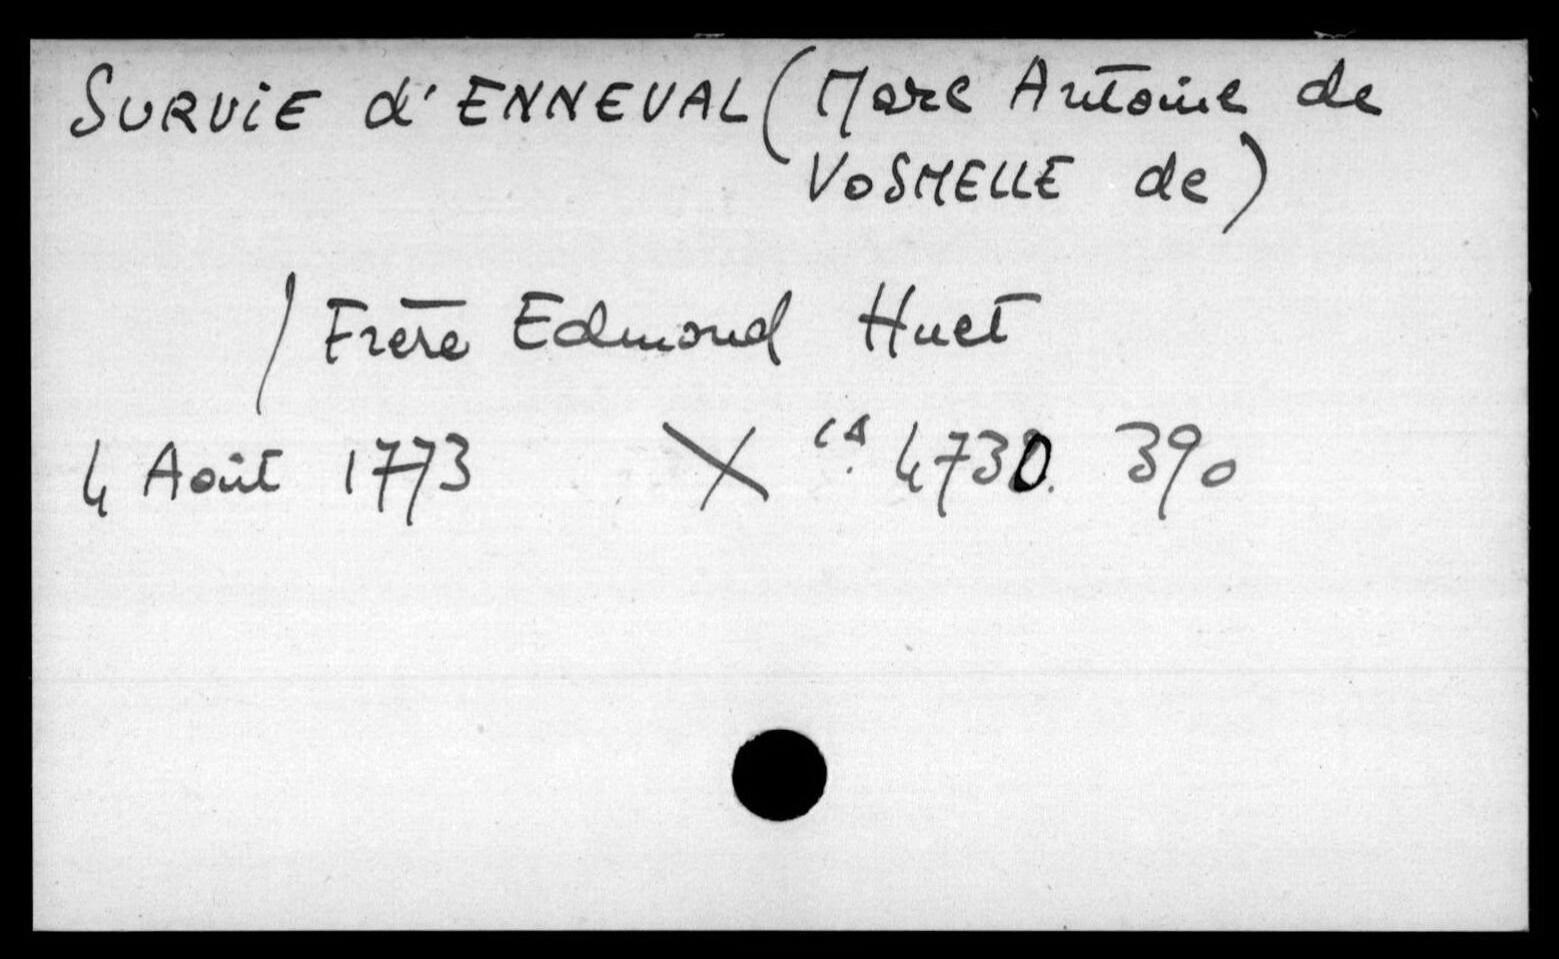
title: SURVIE d'ENNEVAL (Marc Antoine de VOSMELLE de)
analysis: Contre Frère Edmond Huet
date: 4 août 1773
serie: X1A
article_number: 4730
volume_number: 390
